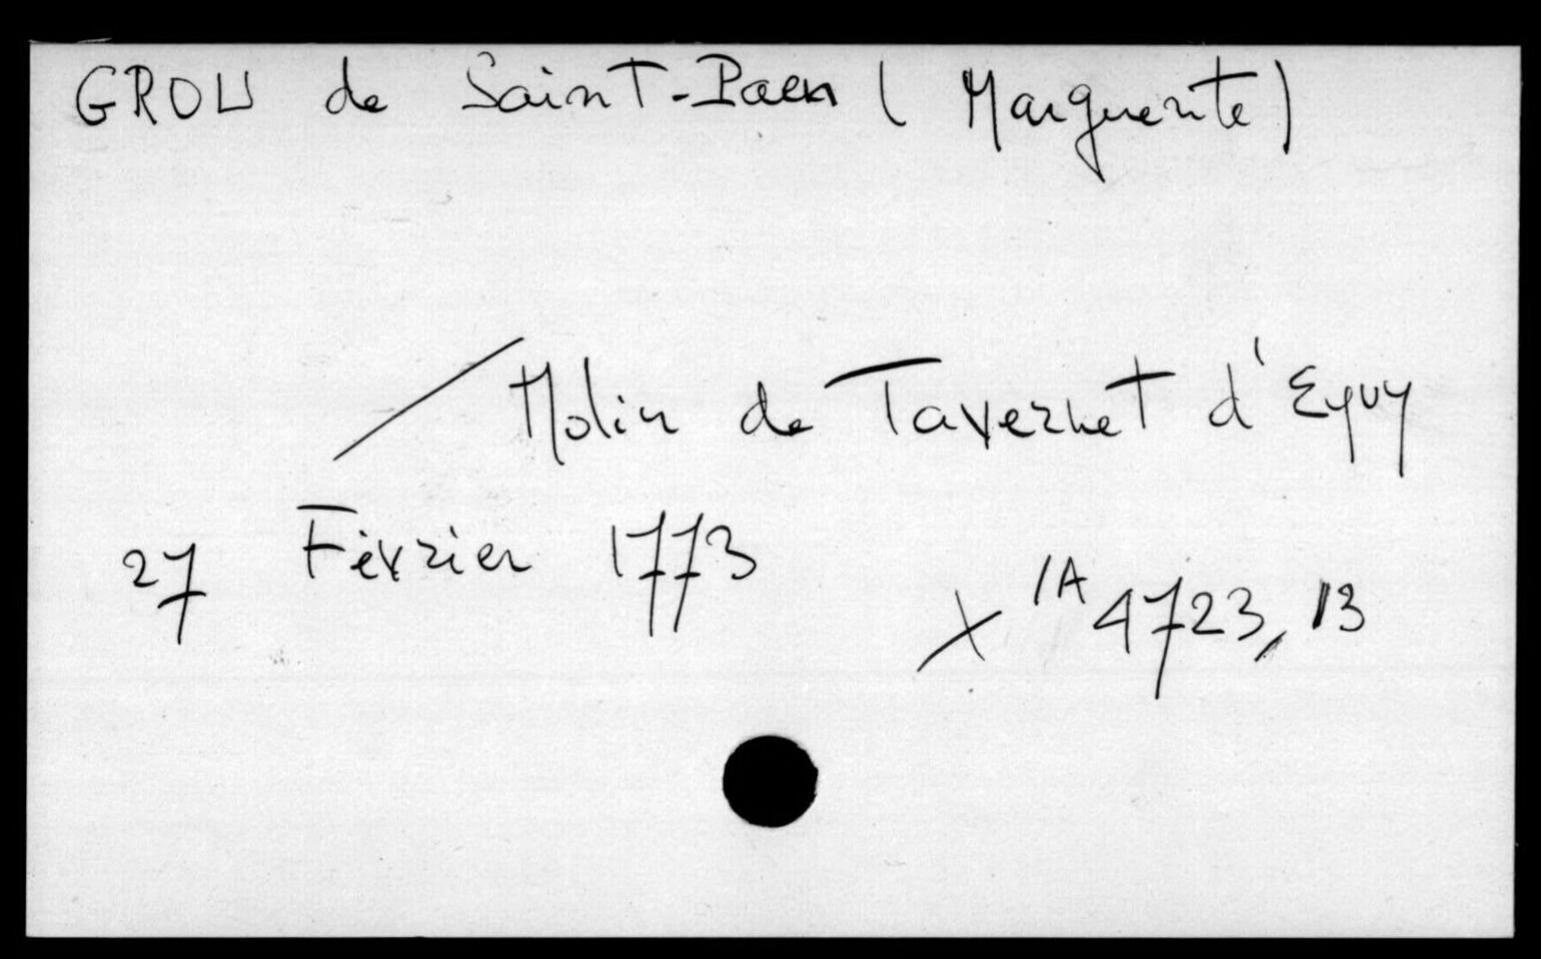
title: GROU de Saint-Paen (Marguerite)
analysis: Contre Molin de Tavernet d'Équy
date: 27 février 1773
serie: X1A
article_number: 4723
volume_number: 13
